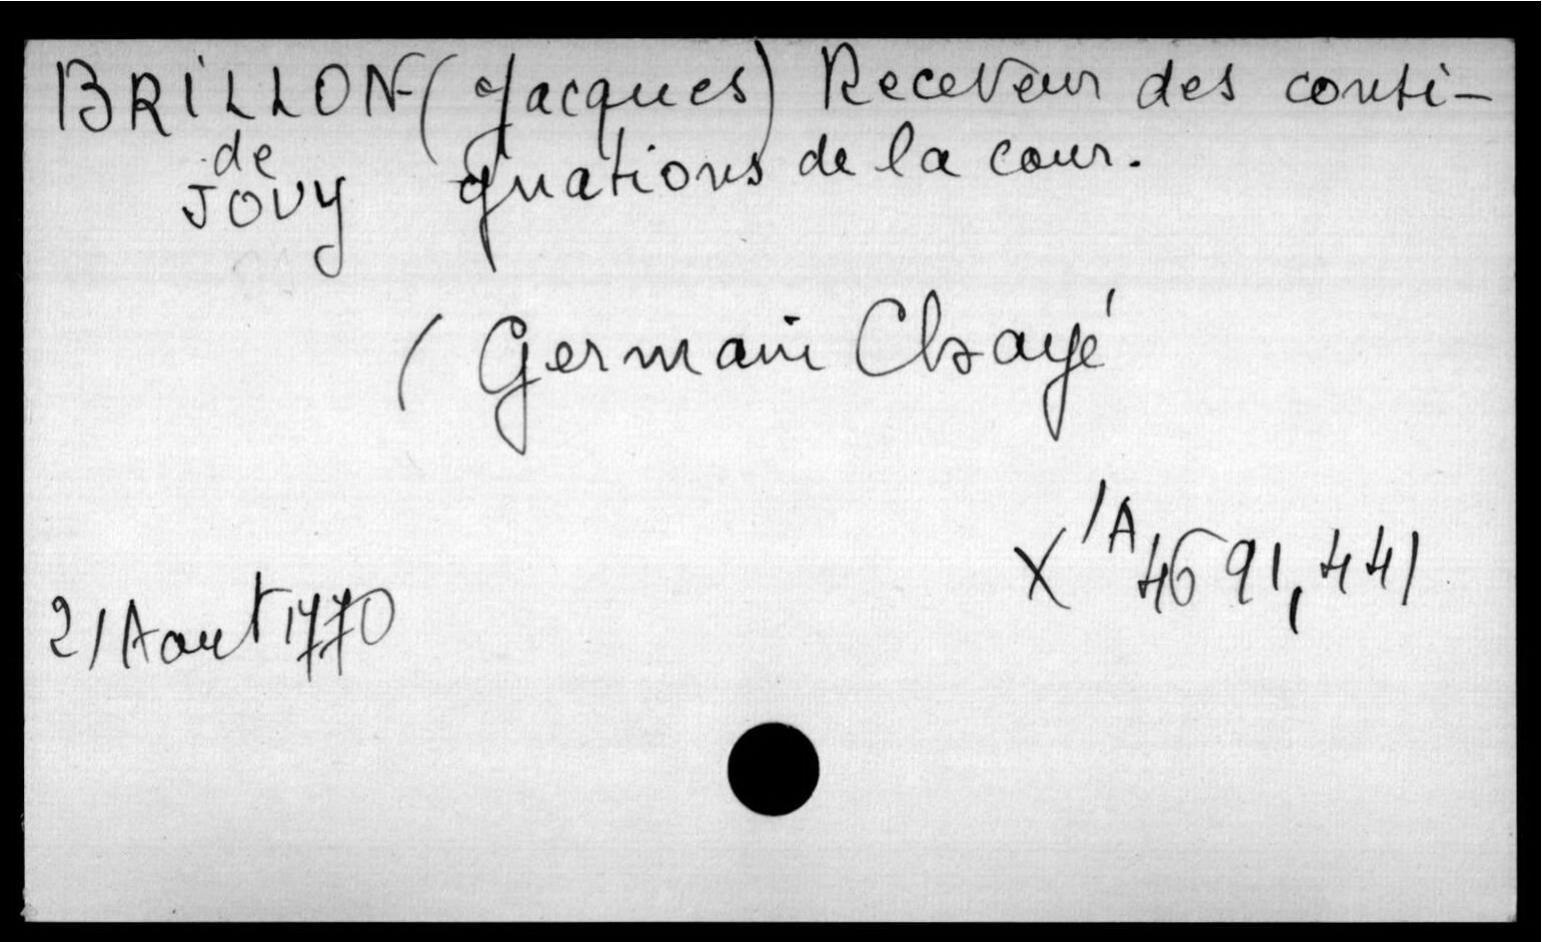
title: BRILLON (Jacques) Receveur des consignations de la cour.
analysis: Contre Germain Chayé
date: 21 août 1770
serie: X1A
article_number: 4691
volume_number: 441
